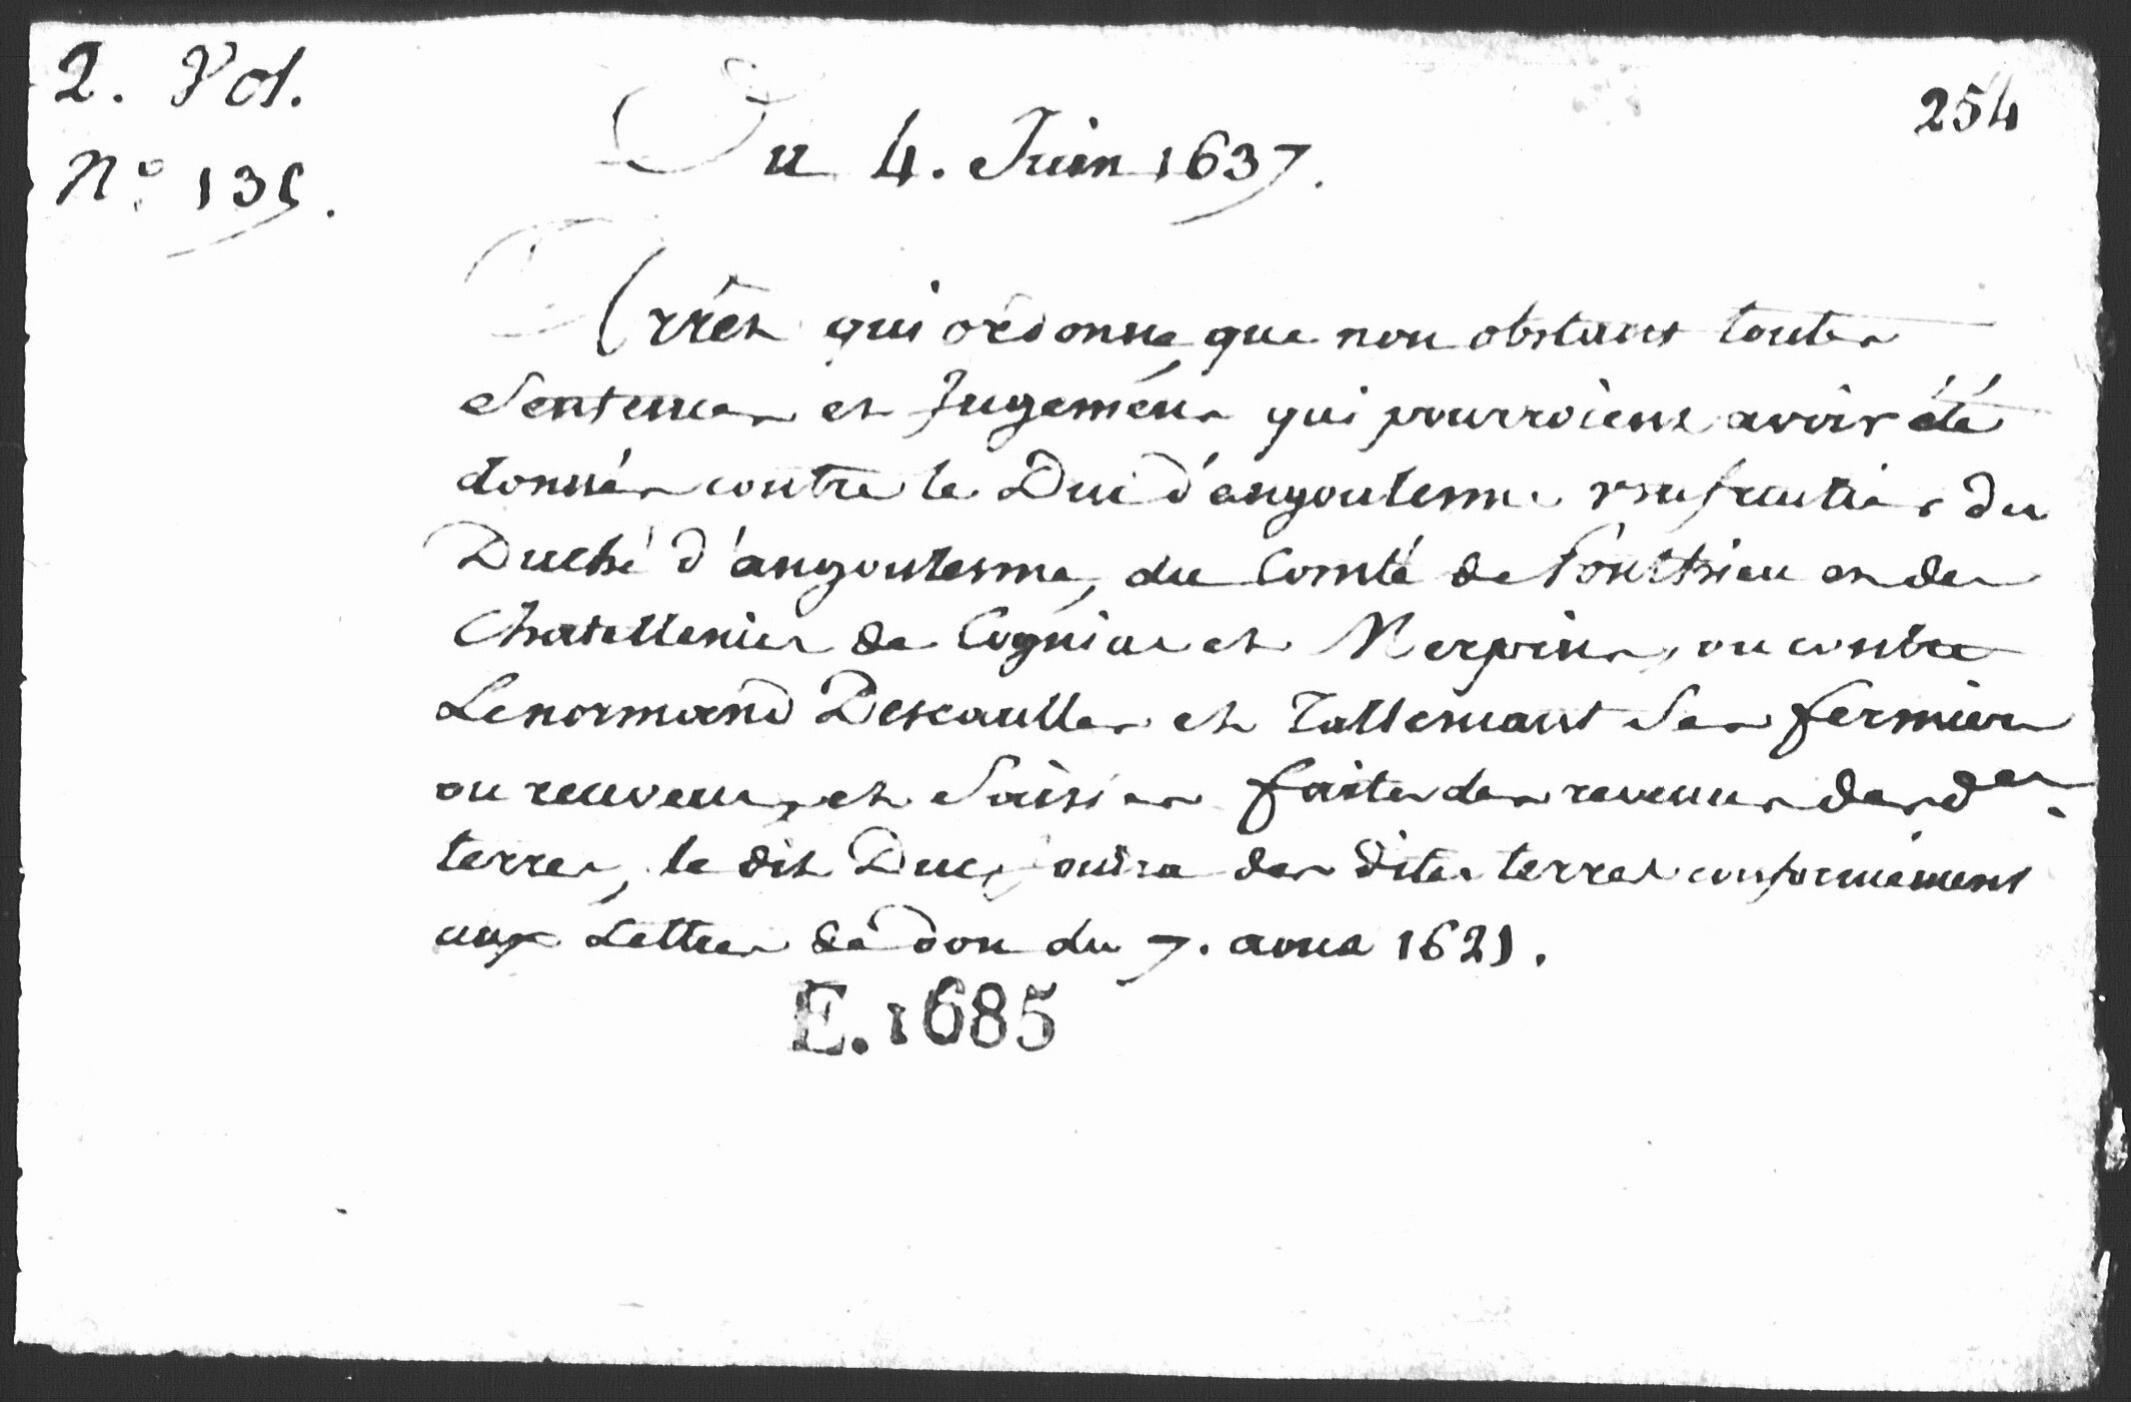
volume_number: n°135
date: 4 juin 1637
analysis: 254
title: Arrêt qui ordonne que, nonobstant toutes sentences et jugemens qui pourroient avoir été donnés contre le Duc d'angoulesme usufruitier du Duché d'angoulesme, du comté de Ponthieu et des chatellenies de Cogniac et Merpins ou contre Lenormand Descaulles et Tallemant ses fermiers ou receveurs, et saisies faites des revenus desd.es terres, le dit Duc jouira des dites terres conformement aux lettres de don du 7. aout 1621.
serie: E
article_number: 1685
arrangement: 2. vol.
